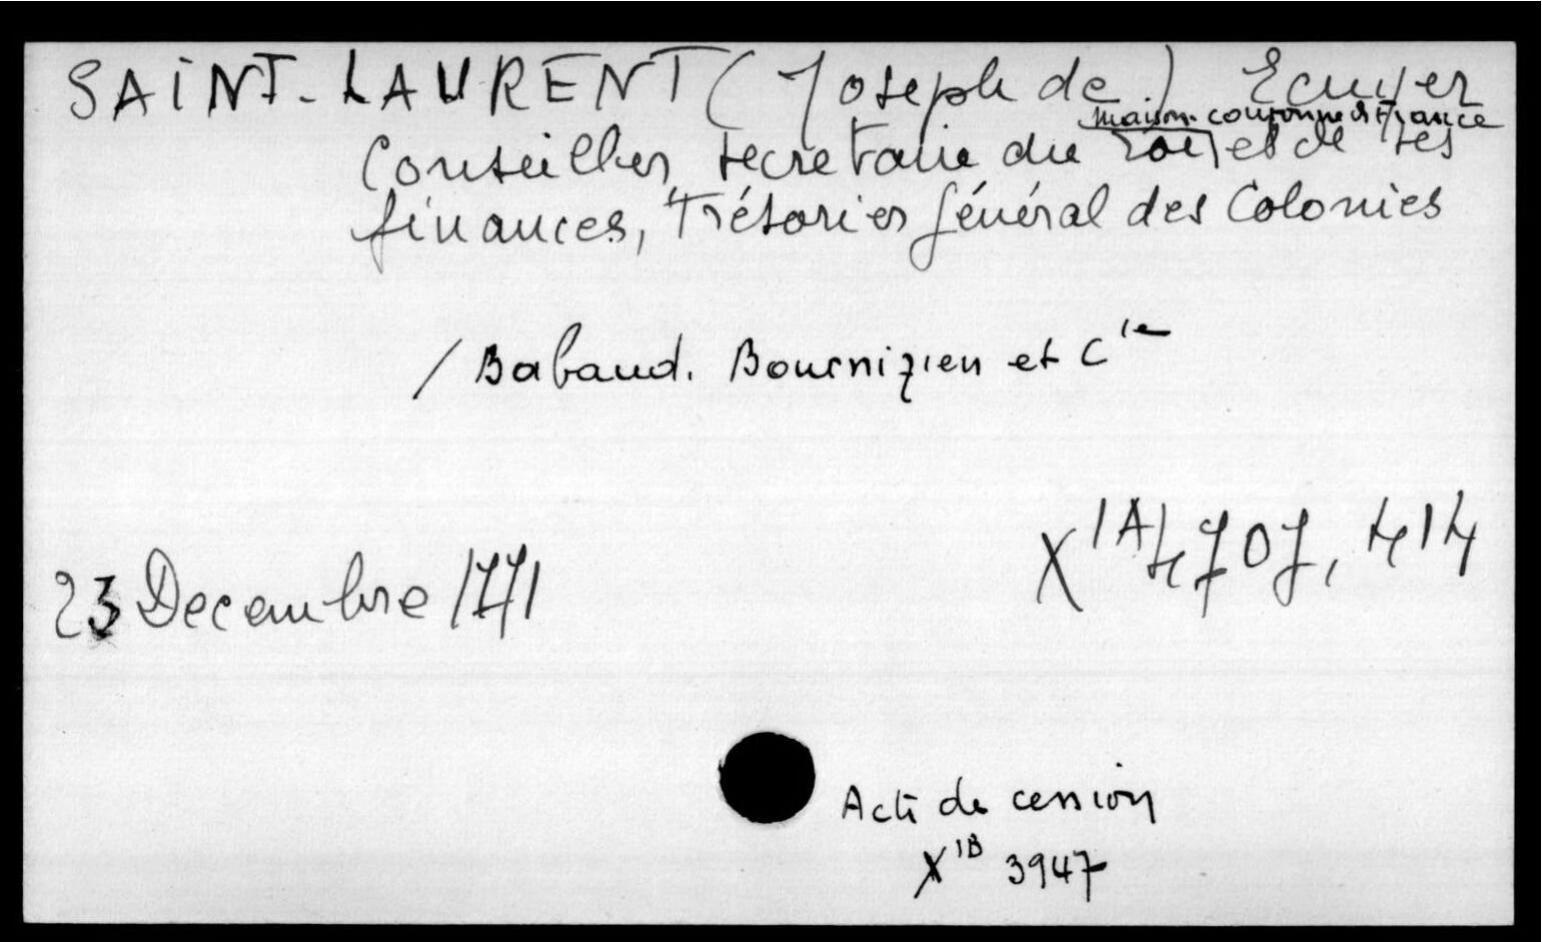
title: SAINT-LAURENT (Joseph de) Écuyer, conseiller, secrétaire du roi, maison couronne de France, et de ses finances, trésorier général des colonies
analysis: Contre Babaud, Bournizien et compagnie
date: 23 décembre 1771
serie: X1A
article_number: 4707
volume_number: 414
